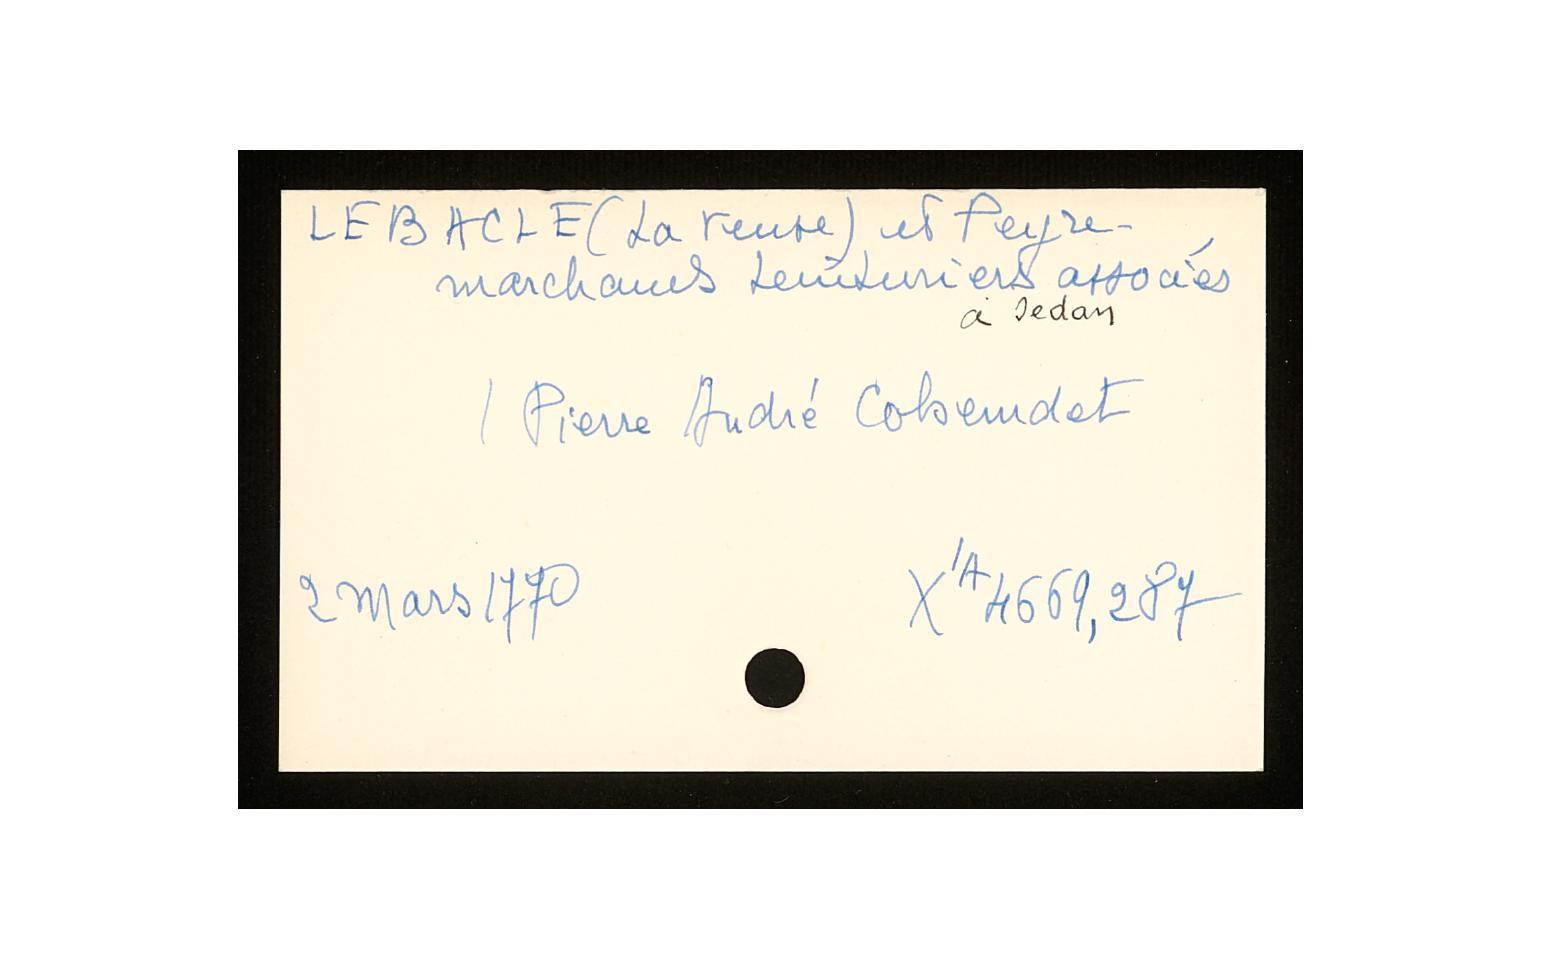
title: LEBACLE (la veuve) et Peyre, marchands teinturiers associés à Sedan
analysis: Contre Pierre André Cobemdet
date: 2 mars 1770
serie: X1A
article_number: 4669
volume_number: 287
